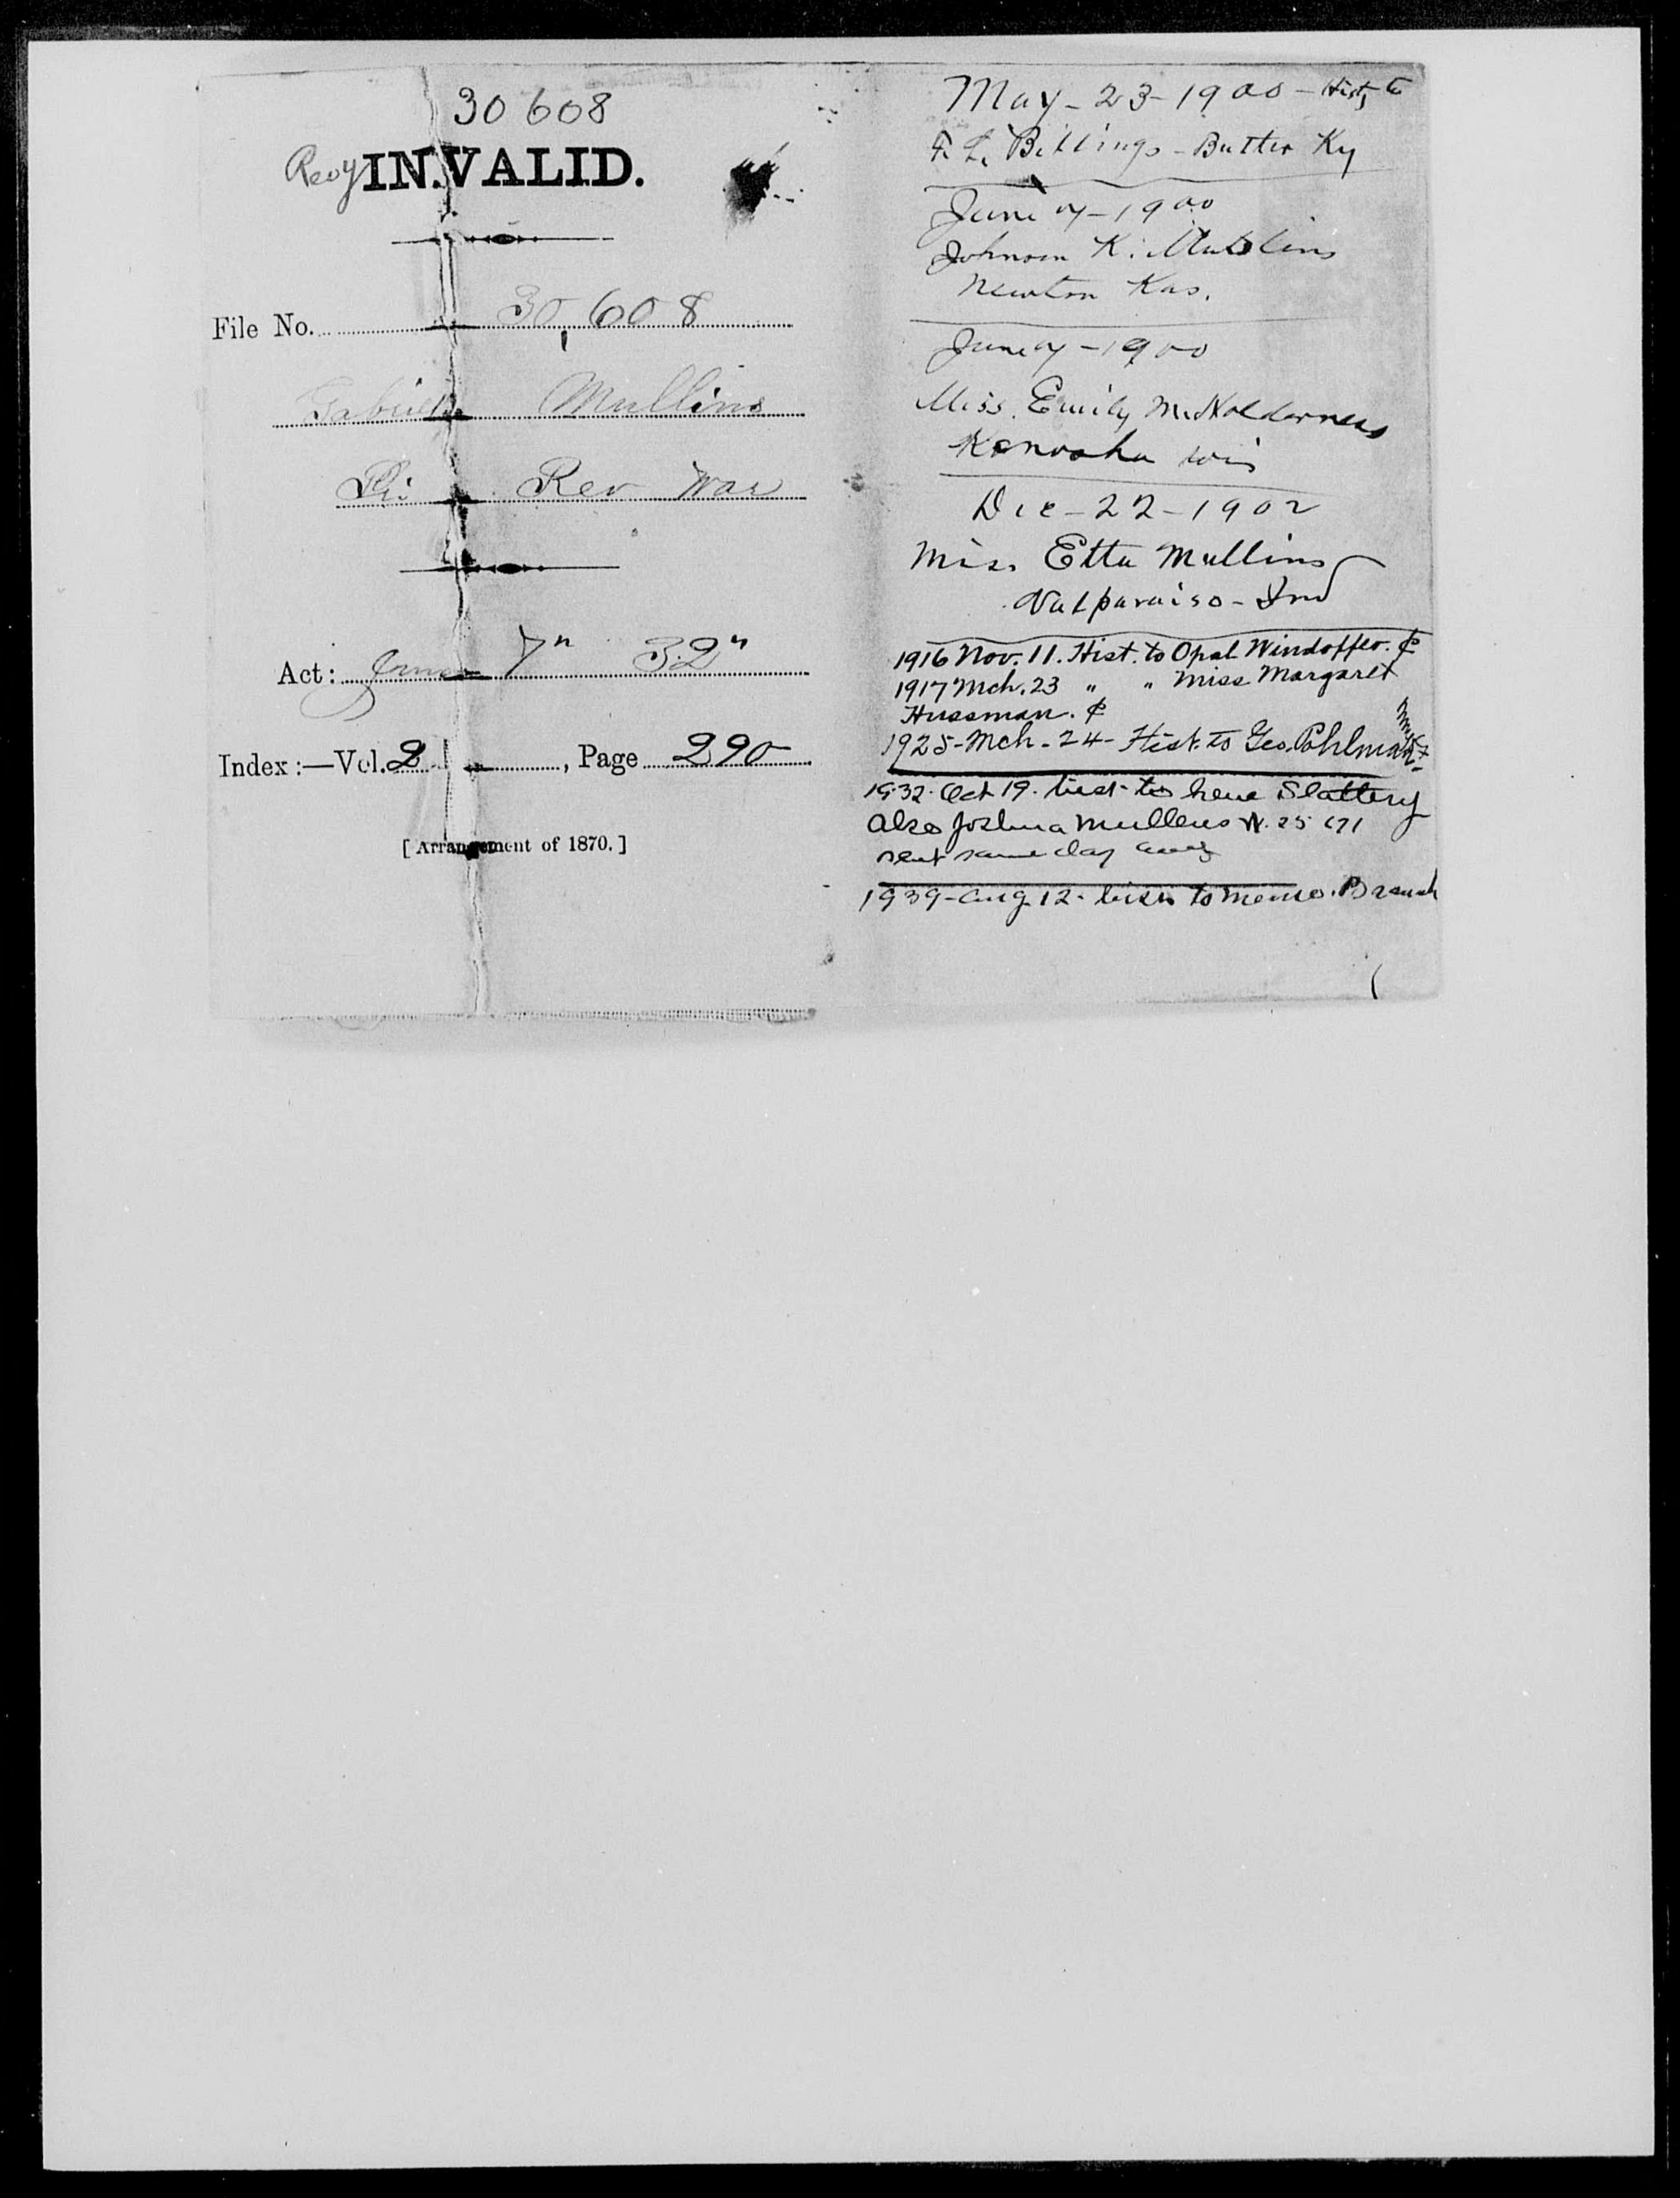30608
Revy INVALID.
-
File No. 30,608
Gabriel Mullins
The Rev War

Act: June 7th 32nd
Index: -- Vol. 2
Page 290
[Arrangement of 1870.]


May 23-1900-History to
F.L. Billings Butter Ky
-
June 7 - 1900
Johnson K. Mullins
Newton Kas
-
June 7 - 1900
Miss Emily M. Holderness
Kenosha Wis
-
Dec. 22-1902
Miss Etta Mullins
Valparaiso Ind
-
1916 Nov. 11. Hist. to Opal Windoffer
1917 Mch 23   "       " Miss Margaret
Hussman
1925 - Mch 24 - Hist to Geo. Pohlman
1932 Oct 19. hist to Irene Slattery
Also Joshua Mullens W. 25 '71
that same day [illeg]
-
1939-Aug 12-hist to memo Branch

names: Margaret Hussman; Gabriel Mullins; Emily M Holderness; Joshua Mullens; Johnson K Mullins; Irene Slattery; Etta Mullins; Meme Branch; Opal Windoffer; Geo Pohlman; F L Billings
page: 24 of 34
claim: survivor's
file: S. 30608, for Gabrel Mullins, Virginia